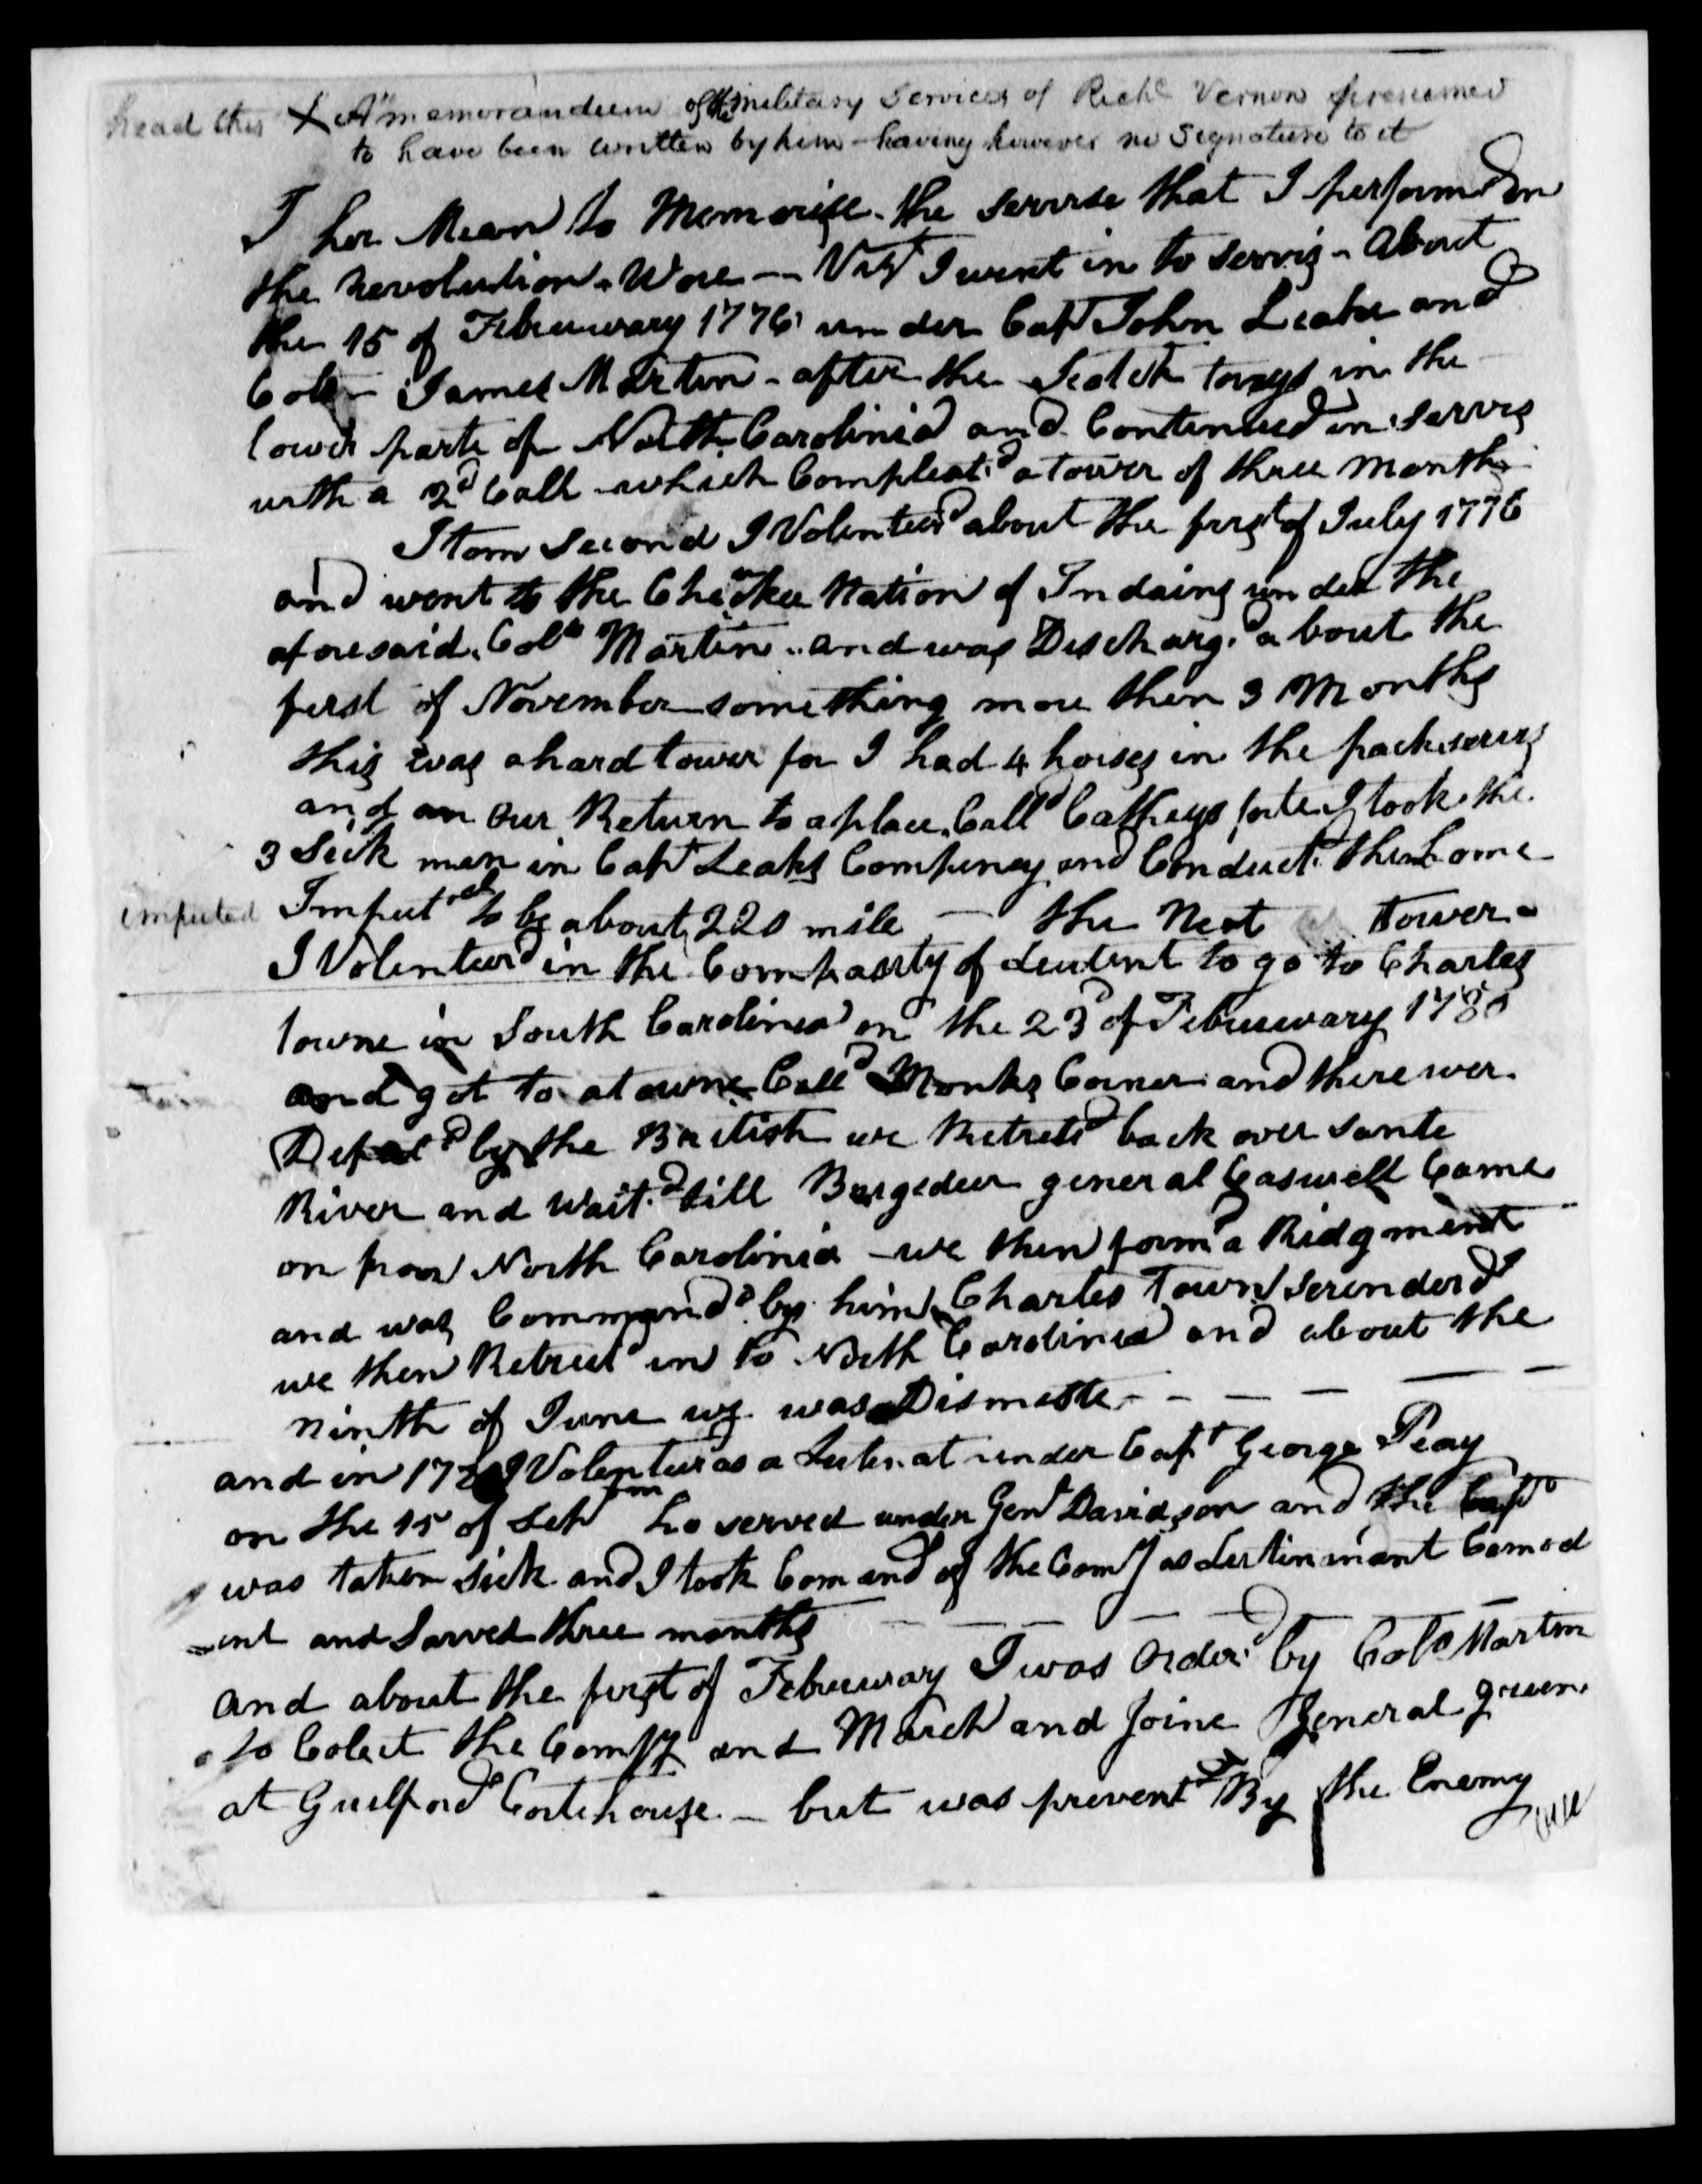A memorandum of Military Services of Rich'd Vernon presumed to have been written by him – having, however no signature to it.

I her mean to memorize the service that I performed in the Revolution & Ware – [illegible] I went in to service about the 15 of February 1776 under Capt. John Leake and Col. James Martin _ after the Scotch Torrys in the lower part of North Carolinia and Continued in service with a 2nd call which completed a tour of three month.
[illegible] second I volunteered about the first of July 1776 and went to the Cherokee Nation of Indains under the aforesaid, Col. Martin and was Dischargd about the first of November something more then 3 months. This was a hard tower for I had 4 horses in the pack service and on our Return to a place Calld Caffeys forte I took the 3 sick men in Capt Leaks Company and Conducted them home. Imputed to be about 220 mile – the next tower I volunteered in the Companty of Leutent to go to Charles Towne in South Carolinia on the 23rd of February 1780 and got to a towne Called Monks Corner and there wer  defeatd by the British we Retretd back over Sante River and waited till Burgedeer general Caswell Came on from North Carolinia _ we then form a Ridgment and was Commandd by him. Charles Town serenderd we then Retreetd in to North Carolinia  and about the ninth of June we was Dismantle
And in 1779 Volenteer  as a Lutenat  under Capt George Peay on the 15 of Sept he served under Genl Davidson and the Capt was taken sick and I took Comand  of the Camy as Lutinanent [illegible] and Sarved three months
and about the first of February I was orderd by Capt Martin to Colect the Compy and March and Joine General Green at Guilford Cortehouse _ but was prevetd By the Enemy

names: Martin, Caswell, Martin, Green, John Leake, James Martin, George Peay, Davidson, Richd Vernon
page: 73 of 105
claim: survivor's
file: S. 1883, Richard Vernon, N.C.